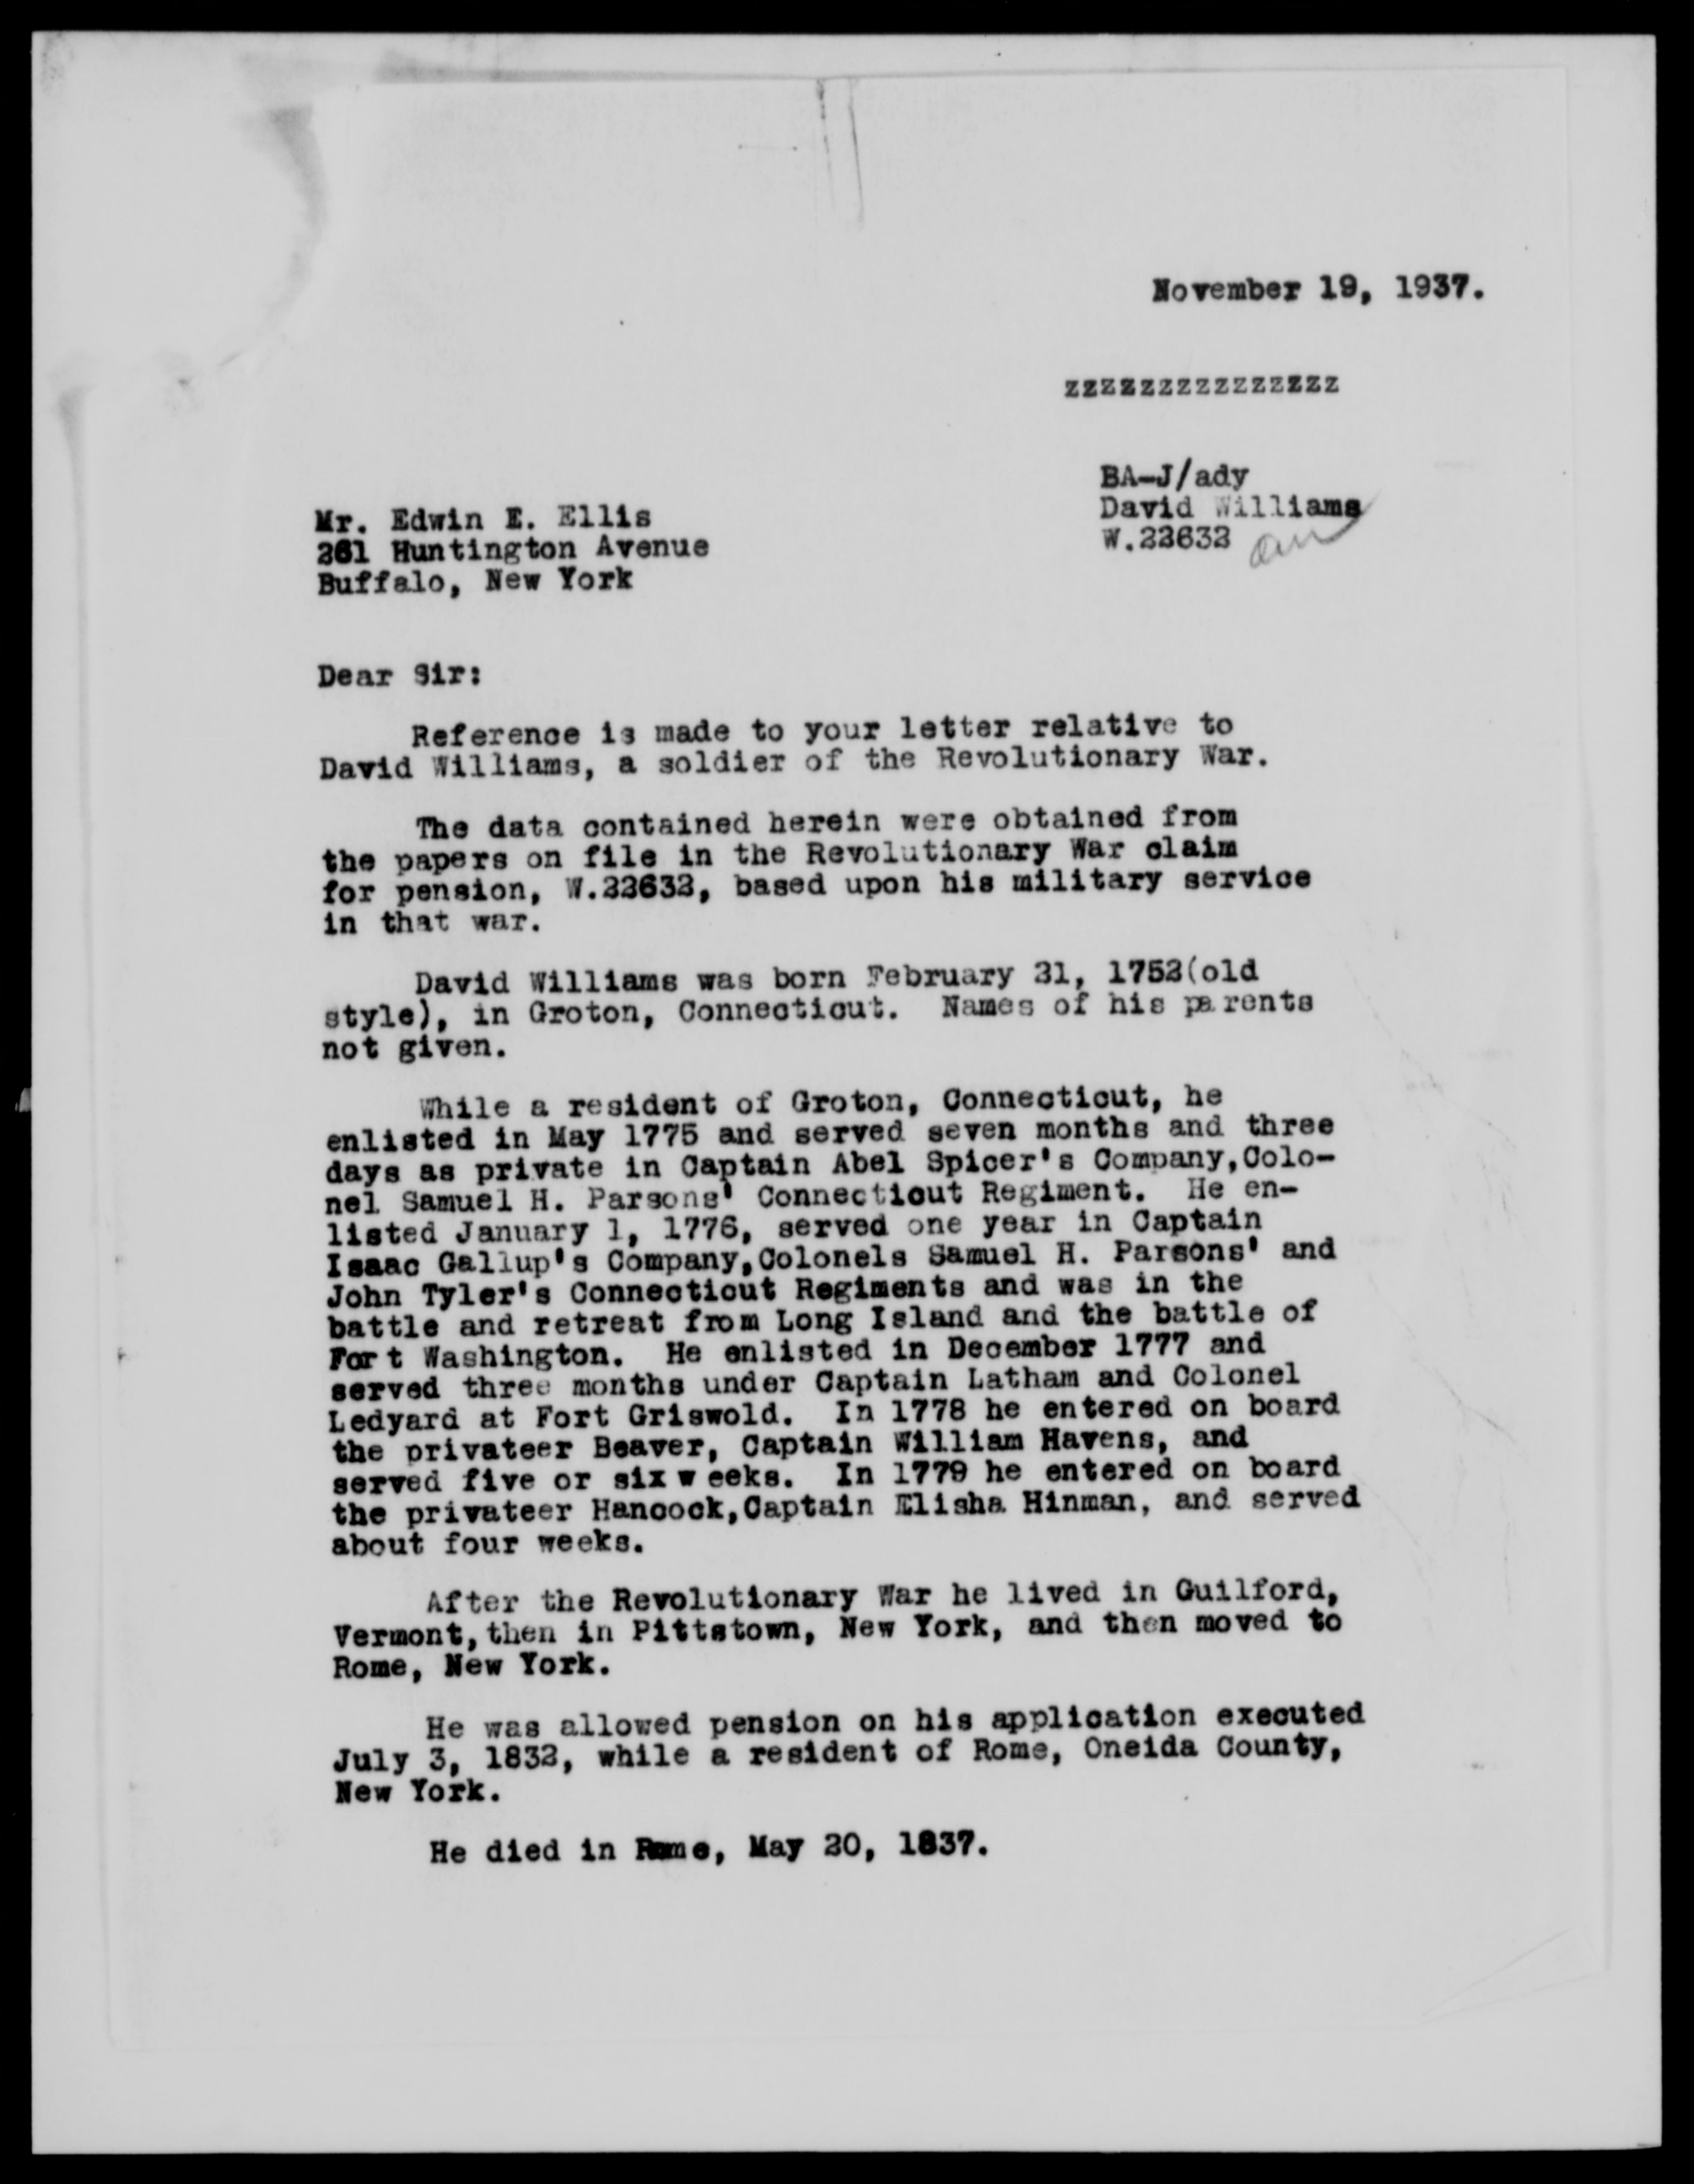November 19, 1937
zzzzzzzzzzzzzzzz
BA-J/ ady
David Williams
W. 22632

Mr. Edwin E. Ellis
261 Huntington Avenue
Buffalo, New York

Dear Sir:

Reference is made to your letter relative to David Williams, a soldier of the Revolutionary War.

The data contained herein were obtained from the papers on file in the Revolutionary War claim for pension, W. 22632, based upon his military service in that war.

David Williams was born February 31, 1752 (old style), in Groton, Connecticut. Names of his parents not given.

While a resident of Groton, Connecticut, he enlisted in May 1775 and served seven months and three days as private in Captain Abel Spicer's Company, Colonel Samuel H. Parsons' Connecticut Regiment. He enlisted January 1, 1886, served one year in Captain Isaac Gallup's Company, Colonels Samuel H. Parsons' and John Tyler's Connecticut Regiments and was in the battle and retreat from Long Island and the battle of Fort Washington. He enlisted in December 1777 and served three months under Captain Latham and Colonel Ledyard at Fort Griswold. In 1778 he entered on board the privateer Beaver, Captain William Havens, and served five or six weeks.  In 1779 he entered on board the privateer Hancock, Captain Elisha Hinman, and served about four weeks.
 
After the Revolutionary War he lived in Guilford, Vermont, then in Pittstown, New York, and then moved to Rome, New York.

He was allowed pension on his application executed July 3, 1932, while a resident of Rome, Oneida County, New York.

He died in Rome, May 20, 1837.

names: Latham, Hancock, William Havens, Elisha Hinman, David Williams, Beaver, Ledyard, Edwin E Ellis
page: 21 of 63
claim: widow's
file: W. 22,632, David Williams, Conn. Continental Privateer